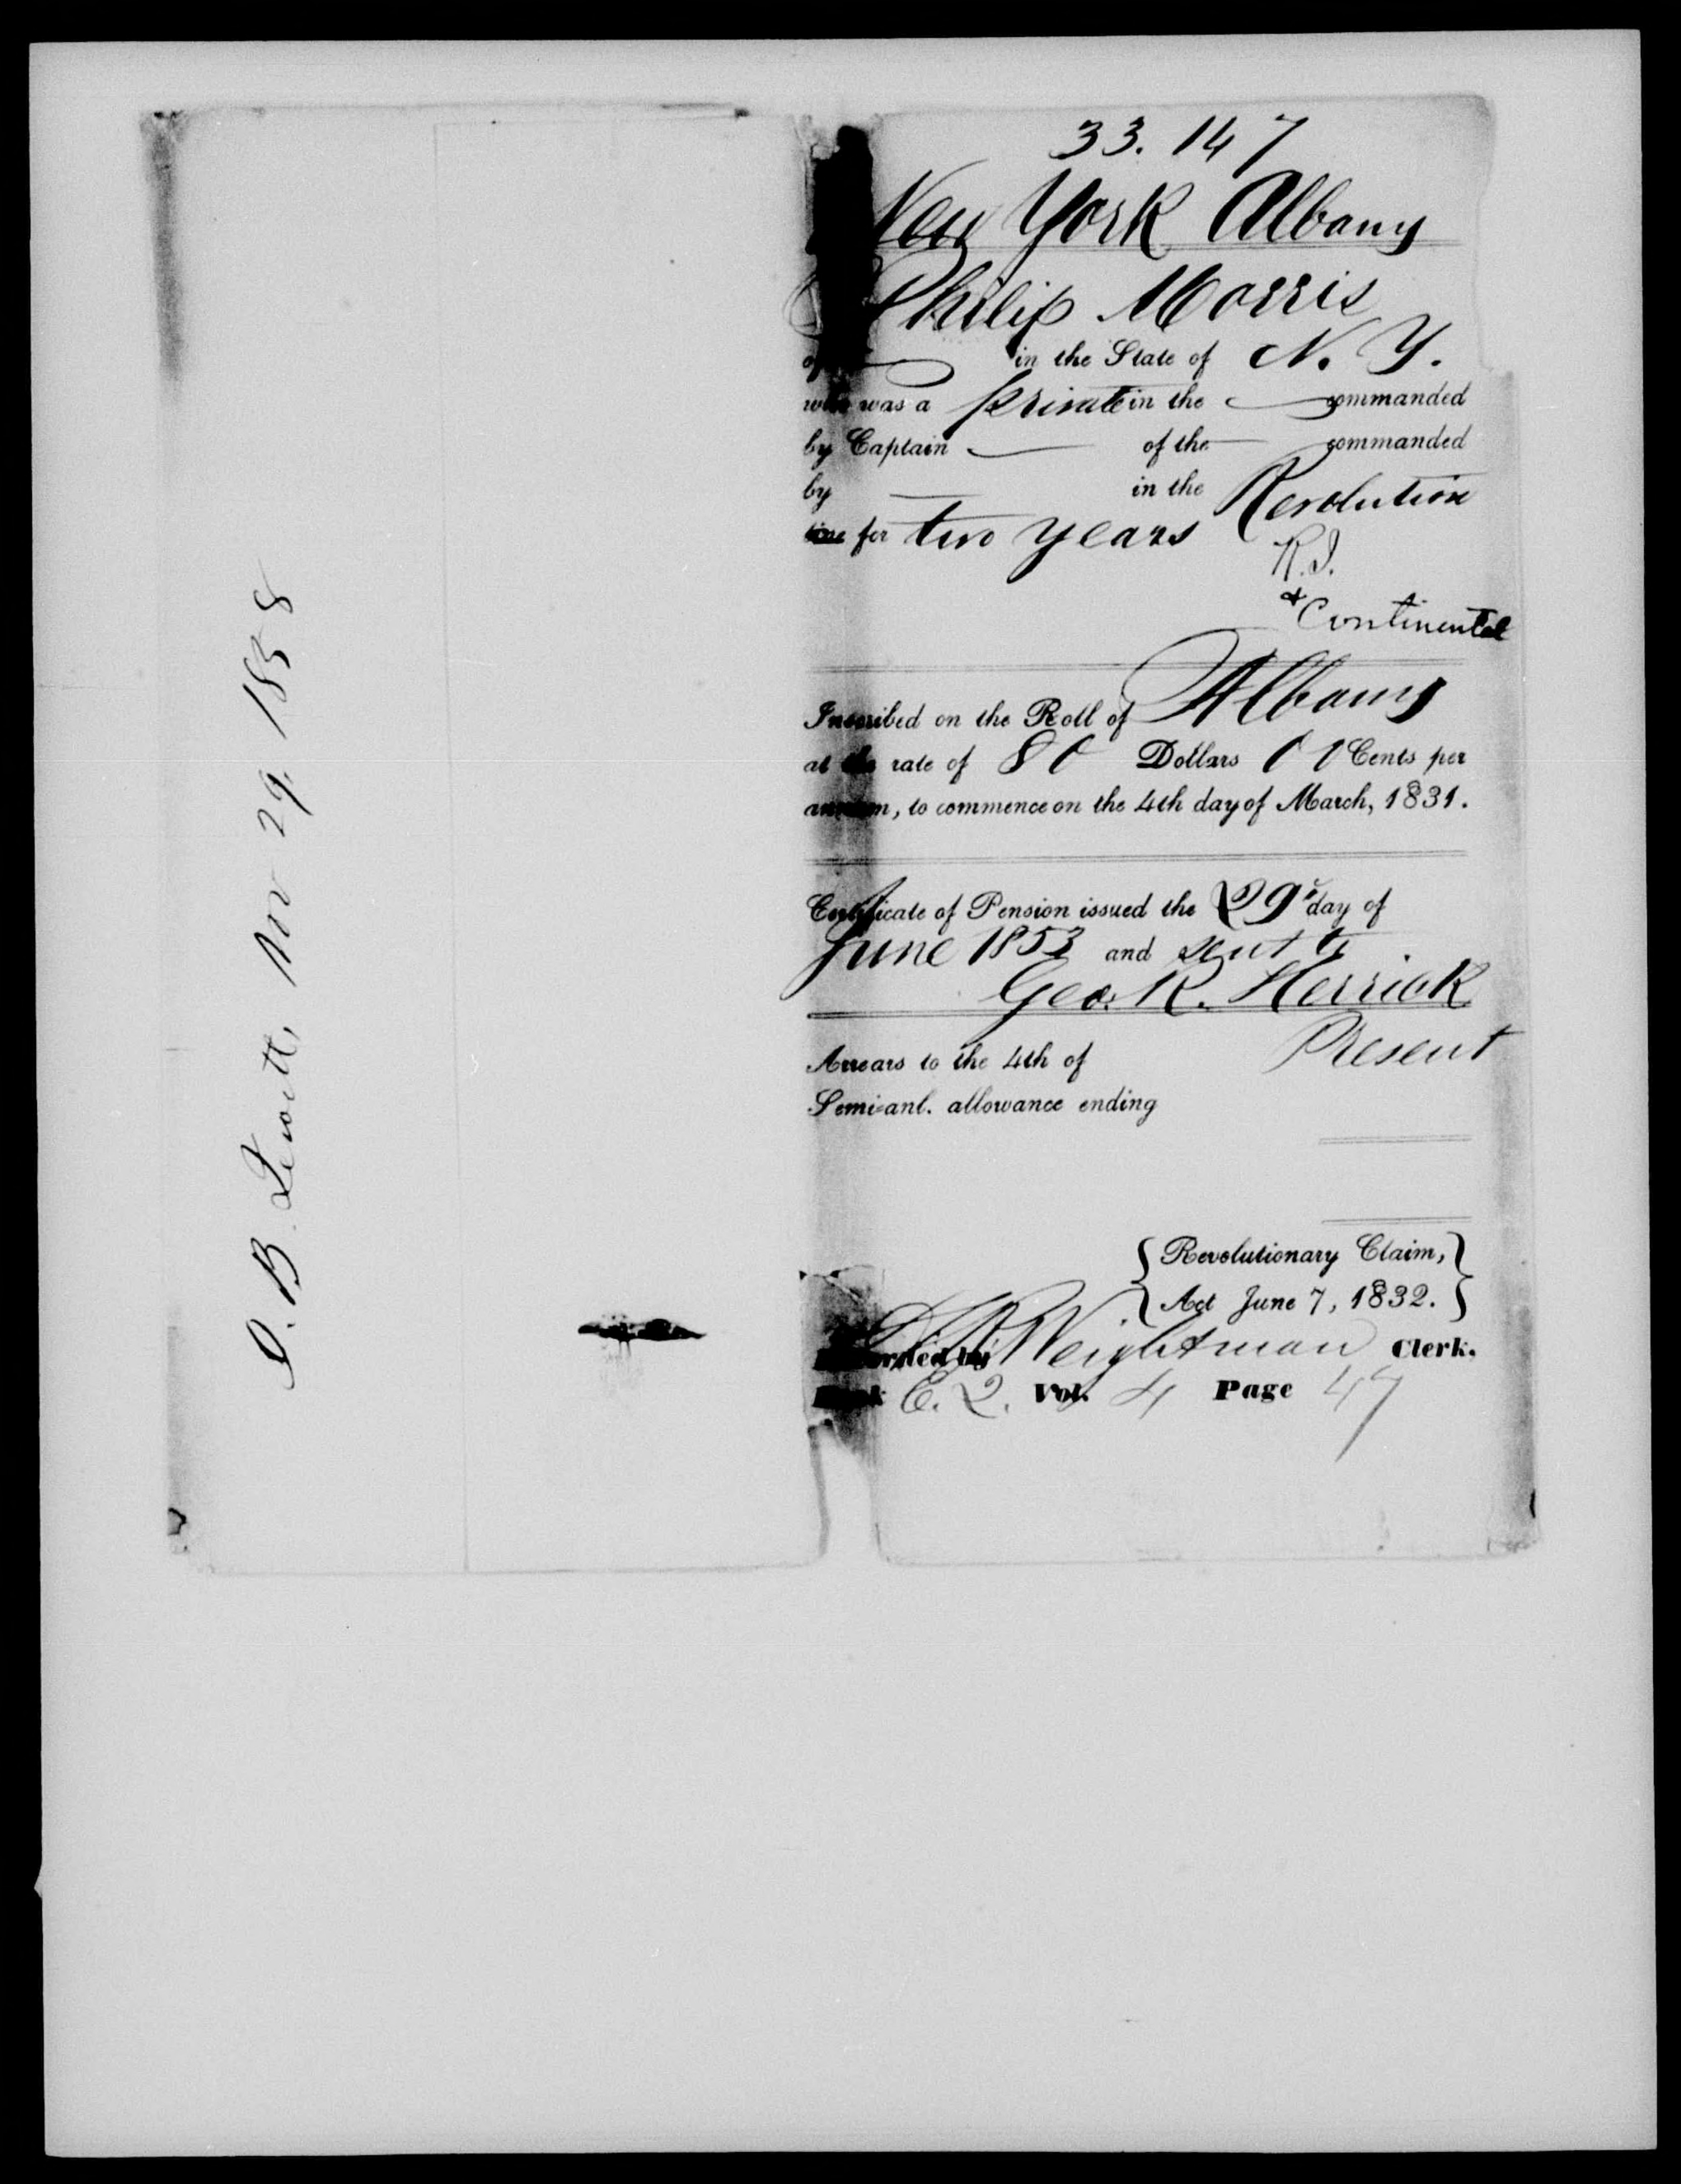J B Jewett, Mar 29, 1838

33.147
New York Albany
Philip Morris
in the state of N.Y. who was a private in the  -commanded by captain - of the - commanded by - in the Revolution for two years 

R.I. 
+ Continental

Inscribed on the Roll of Albany at the rate of 80 Dollars 00 Cents per annum[?], to commence on the 4th day of March, 1831.

Certificate of Pension issued the 29 day of June 1853 and sent to
Geo. R. Herrick
Arrears to the 4th of Present
Semi-anl. allowance ending

{Revolutionary Claim,}
{ Act June 7, 1832.     }

[illegible] by H. R. Weightman Clerk,
Book E. Q.. Vol. 4 Page 47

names: Philip Morris; Geo R Herrick; J B Jewett; H R Weightman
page: 2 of 44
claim: survivor's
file: S. 28,815, for Philip Morris, Rhode Island